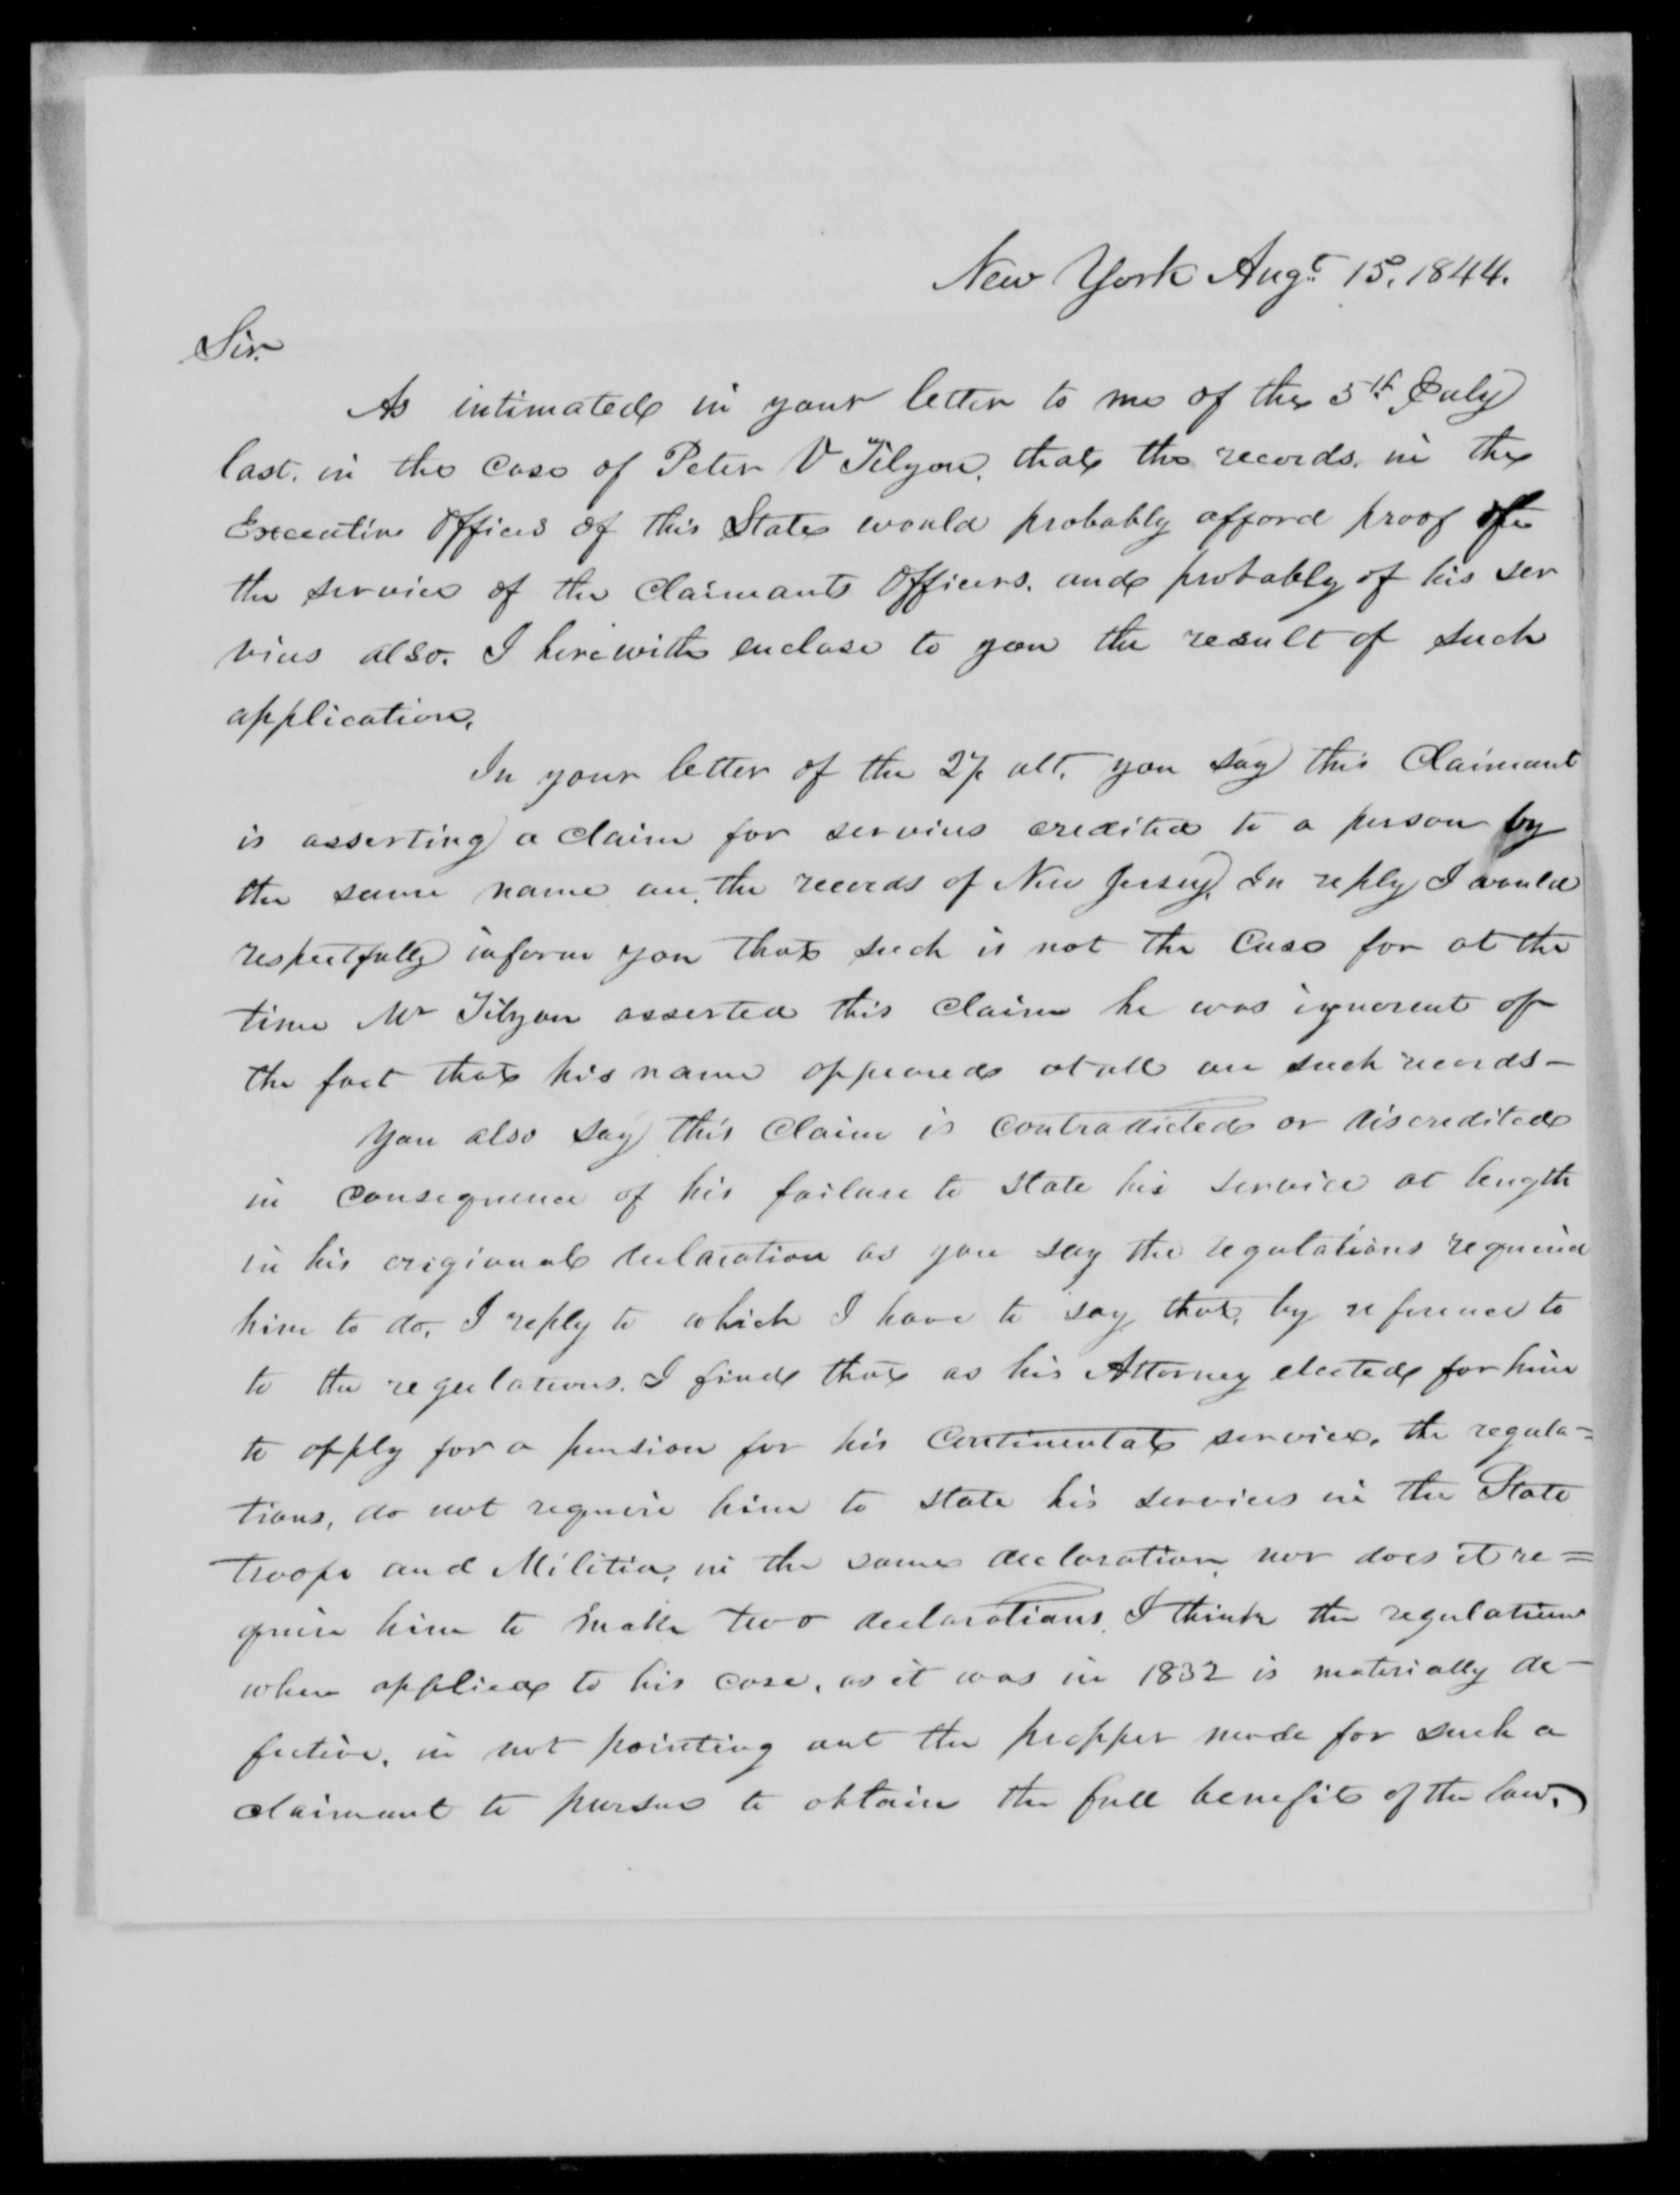New York August 15, 1844.
Sir.

     As intimated in your letter to me of the 5th July last in the case of Peter V Tilyou, that the records in the Executive Office of the State would probably afford proof of the services of the claimants officers, and probably of his services also. I herewith enclose to you the result of such applications.
     In your letter of the 27 ult. you say this claimant is asserting a claim for services credited to a person by the same name as the records of New Jersey. In reply I would respectfully inform you that such is not the case for at the time Mr. Tilyou asserted this claim he was ignorant of the fact that his name  of appears at all on such records -
     You also say this claim is contradicted or discredited in consequence of his failure to state his service at length in his original declarations as you say the regulations say that by reference to the regulations, I find that as his Attorney elected for him to apply for a pension for his Continental services, the regulations do not require him to state his services in the State Troops and Militia in the same declarations. Nor does it require him to make two declarations. I think the regulations when applied to his case, as it was in 1832, is materially defective, in not pointing out the proper words for such a claimant to pursue to obtain the full benefits of the law.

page: 22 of 101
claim: widow's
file: W. 25481, for Peter V Tilyou, New Jersey